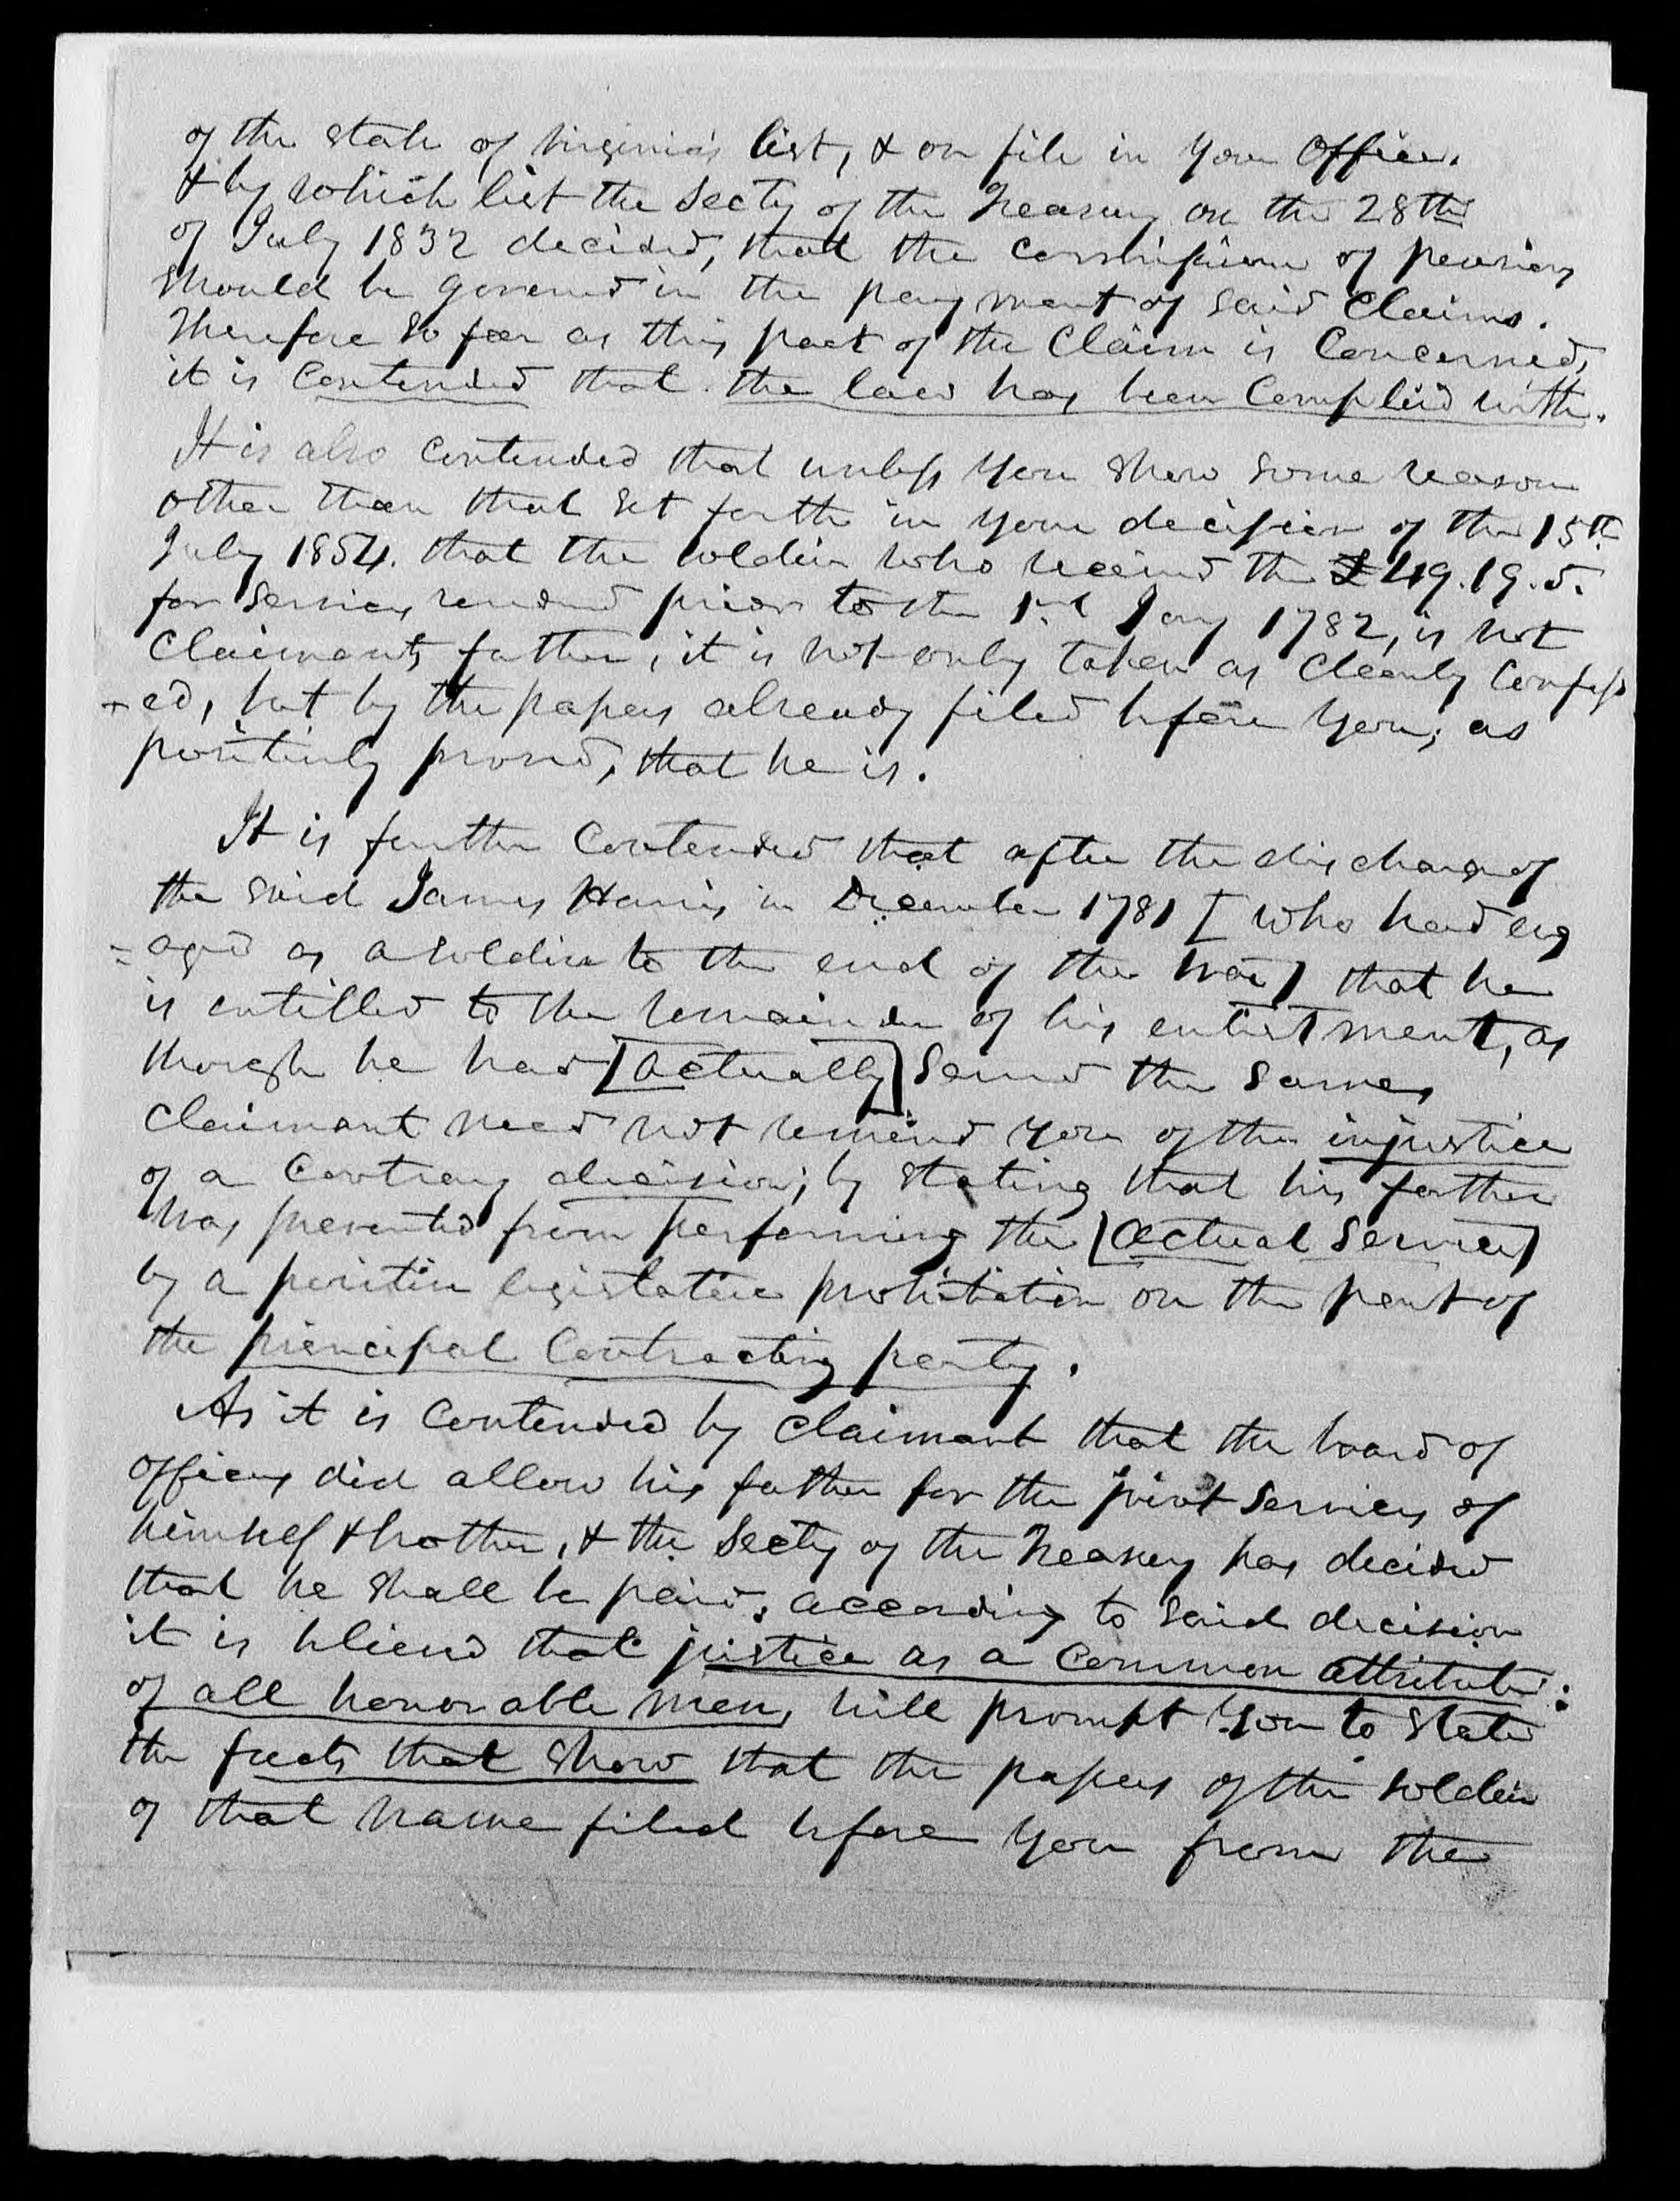of the State of Virginia's list, & on file in your office. & by which list the Secty of the Treasury on the 28th of July 1832 decided that the commissioner of Pensions should be  governed in the payment of said claims. Therefore, so far as this part of the claim is concerned, it is contended that the law has been complied with.
   It is also contended that unless you show some reason other than that set forth in your decision of the 15th July 1854, that the soldier who received the  [pound sterling sign] 49.19.5 for services rendered prior to the 1st Jany 1782, is not claimant further, it is not only taken as clearly confessed, but by the papers already filed before you, as positively proved, that he is.
   It is further contended that after the discharge of the said James Harris in December 1781, (who had engaged as a soldier to the end of the war) that he is entitled to the remainder of his entitlement, as though he had (actually) served. The same claimant need not remind you of the injustice of a contrary decision; by stating that his father was prevented from performing the (actual service) by a positive legislative prohibition on the part of the principal Contracting party.
   As it is contended by claimant that the board of officers did allow his father for the private services of himself & brother, & the Secty of the Treasury has decided that he shall be paid. According to said decision it is believed that justice as a common attribute of all honorable men, will prompt you to state the facts that show that the papers of the soldiers of that name filed before you from the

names: James Harris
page: 16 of 160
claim: rejected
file: R. 4666, James Harris, Va.